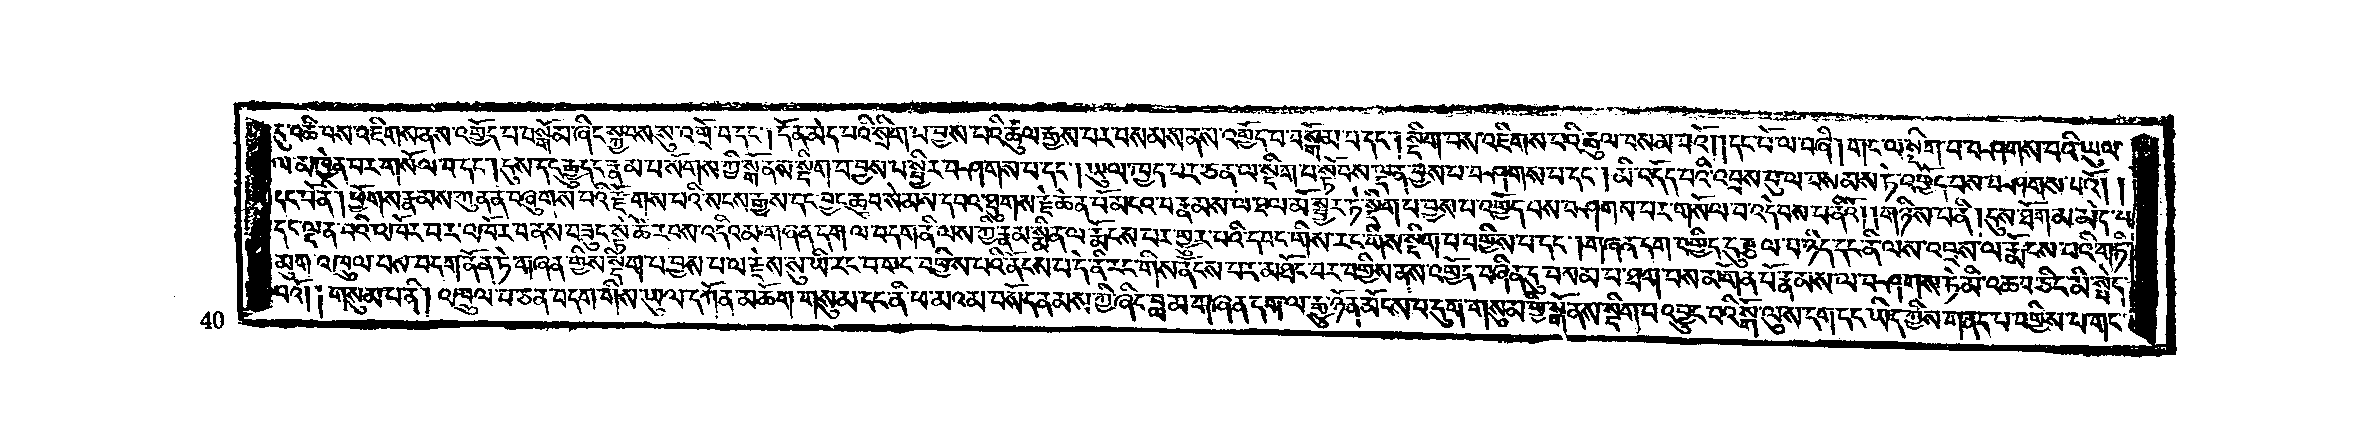དུ་འཆི་བས་འཇིགས་ནས་འགྱོད་པ་བསྒོམ་ཞིང་སྐྱབས་སུ་འགྲོ་བས་དང་། དོན་མེད་པའི་སྲིག་པ་བྱས་པའི་ཚུལ་རྒྱས་པར་བསམས་ནས་འགྱོད་པ་བསྒོམ་པ་དང་། སྡིག་པས་འཇིགས་པའི་ཚུལ་བསམ་པའོ། །དང་པོ་ལ་བཞི། གང་ལ་སྡིག་པ་བཤགས་པའི་ཡུལ་
ལ་མཁྱེན་པར་གསོལ་པ་དང་། དུས་དང་རྒྱུ་དང་རྣམ་པ་སོགས་ཀྱི་སྒོ་ནས་སྡིག་པ་བྱས་པ་སྤྱིར་བཤགས་པ་དང་། ཡུལ་ཁྱད་པར་ཅན་ལ་སྡིག་པ་སྟོབས་ལྡན་བྱས་པ་བཤགས་པ་དང་། མི་འདོད་པའི་འབྲས་བུ་ལ་བསམས་ཏེ་འགྱོད་པས་བཤགས་པའོ། །
དང་པོ་ནི། ཕྱོགས་རྣམས་ཀུན་ན་བཞུགས་པའི་རྫོགས་པའི་སངས་རྒྱས་དང་བྱང་ཆུབ་སེམས་དཔའ་ཐུགས་རྗེ་ཆེན་པོ་མངའ་བ་རྣམས་ལ་ཐལ་མོ་སྦྱར་ཏེ་སྡིག་པ་བྱས་པ་འགྱོད་པས་བཤགས་པར་གསོལ་བ་འདེབས་པ་ནི་འོ། །གཉིས་པ་ནི་དུས་ཐོག་མ་མེད་པ་
དང་ལྡན་པའི་འཁོར་བར་འཁོར་བ་ནས་བཞུང་སྟེ་ཚེ་རབས་འདིའམ་གཞན་དག་ལ་བདག་ནི་ལས་ཀྱི་རྣམ་སྨིན་ལ་རྨོངས་པར་གྱུར་པའི་དབང་གིས་རང་གིས་སྡིག་པ་བགྱིས་པ་དང་། གཞན་དག་བགྱིད་དུ་རྩལ་བ་ཉིད་དང་ནི་ལས་འབྲས་ལ་རྨོངས་པའི་གཏི་
མུག་འཁྲུལ་པས་བདག་ནོན་ཏེ་གཞན་གྱིས་སྡིག་པ་བྱས་པ་ལ་རྗེས་སུ་ཡི་རང་བ་གང་བགྱིས་པའི་ནོངས་པ་དེ་ནི་རང་གིས་ནོངས་པར་མཐོང་བར་བགྱིས་ནས་འགྱོད་བཞིན་དུ་བསམ་པ་ཐག་པས་མགོན་པོ་རྣམས་ལ་བཤགས་ཏེ་མི་འཆབ་ཅིང་མི་སྤེད་
པའོ། །གསུམ་པ་ནི། འཁྲུལ་པ་ཅན་བདག་གིས་ཡུལ་དཀོན་མཆོག་སུམ་དང་ནི་ཕ་མའམ་བསོད་ནམས་ཀྱི་ཞིང་བླ་མ་གཞན་དག་ལ་རྒྱུ་ཉོན་མོངས་པ་དུག་གསུམ་གྱི་སྒོ་ནས་སྡིག་པ་འབྱུང་བའི་སྒོ་ལུས་ངག་དང་ཡིད་ཀྱིས་གནད་པ་བགྱིས་པ་གང་